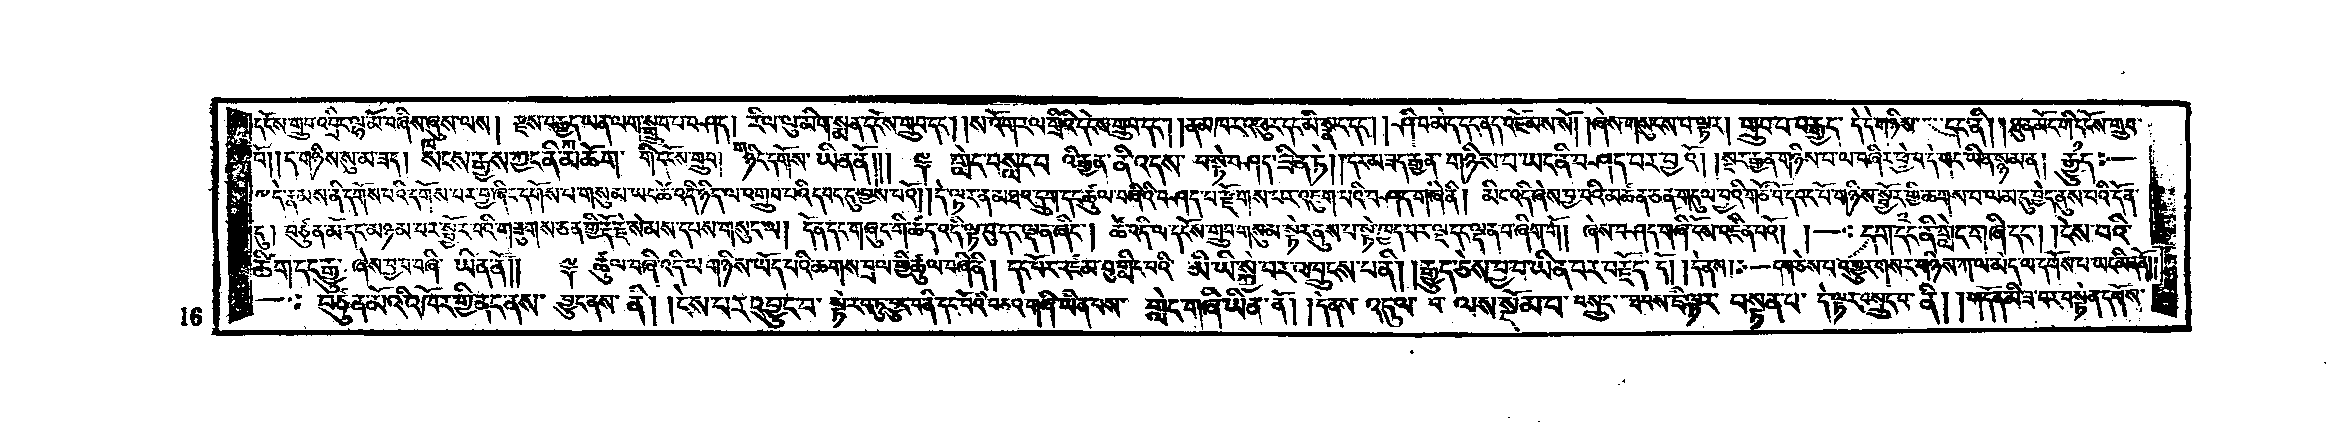དངོས་གྲུབ་འབྲིང་ལྷ་མོ་བཞིས་ཞུས་ལས། རྫས་བརྒྱད་ཡན་ལག་སྒྲུབ་པ་བཤད། རིལ་ལུ་མིག་སྨན་དངོས་གྲུབ་དང་། །ས་འོག་རལ་གྲིའི་དངོས་གྲུབ་དང་། །ནམ་མཁར་འཕུར་དང་མི་སྣང་དང་། །ཤི་བ་མེད་དང་ནད་འཇོམས་སོ། །ཞེས་གསུངས་པ་ལྟར། གྲུབ་པ་བརྒྱད་དེ་དེ་གཉིས་དང་ནི། །ཐུན་མོང་གི་དངོས་གྲུབ་
པོ། །དེ་གཉིས་སུ་མ་ཟད། ཁ་སངས་རྒྱས་ཀྱང་ནི་ཀ་མཆོག་གི་དངོས་གྲུབ། ག་ཉིད་དགོས་ཡིན་ནོ།།། ༈ གླེང་བསླང་བའི་རྒྱན་ནི་འདས་བ་སྟེ་བཤད་ཟིན་ཏེ། །དར་མ་ཟད་རྒྱན་གཉིས་པ་ཡང་ནི་བཤད་པར་བྱའོ། །སྔར་རྒྱན་གཉིས་པ་ལ་བཞིར་ཕྱེ་བ་དེ་གང་ཡིན་སྙམ་ན། རྒྱུད་
༧དེ་རྣམས་ནི་དགོས་པའི་དགོས་པར་བྱ་ཞིང་དགོས་པ་གསུམ་ཡང་ཚེ་འདི་ཉིད་ལ་འགྲུབ་པའི་དབང་དུ་བྱས་པའོ། །དེ་ལྟར་ན་མཐའ་དྲུག་དང་ཚུལ་བཞིའི་བཤད་པ་རྫོགས་པར་འཇུག་པའི་བཤད་གཞི་ནི། མིང་འདི་ཞེས་བྱ་བའི་མཚན་ཅན་གདུལ་བྱའི་གཙོ་བོ་དབང་པོ་གཉིས་སྦྱོར་གྱི་ཆགས་པ་ལམ་དུ་བྱེད་ནུས་པའི་དོན་
དུ། བཙུན་མོ་དང་མཉམ་པར་སྦྱོར་བའི་གཟུགས་ཅན་གྱི་རྡོ་རྗེ་སེམས་དཔས་གསུང་ལ། དོན་དང་གཞུང་གི་ཚད་འདི་ལྟ་བུ་དང་ལྡན་ཞིང་། ཚེ་འདི་ལ་དངོས་གྲུབ་གསུམ་སྟེར་ནུས་པ་སྟེ་ཁྱད་པར་ལྔ་དང་ལྡན་པ་ཞིག་གོ། ཞེས་བཤད་གཞི་ངོས་འཛིན་པའོ། །དག ༢་དང་ནི་གླེང་གཞི་དང་། །ངེས་པའི་
ཚིག་དང་རྒྱུ་ཞེས་བྱ་བ་བཞི་ཡིན་ནོ།། ༈ ཚུལ་བཞི་འདི་ལ་གཉིས་ཡོད་པའི་ཆགས་བྲལ་གྱི་ཚུལ་བཞི་ནི། དང་པོར་འཛམ་བུ་གླིང་པའི་མི་ཡི་སྐྱེ་བར་འཁྲུངས་པ་ནི། །རྒྱུད་ཅེས་བྱ་བ་ཡིན་པར་བརྗོད་དོ། །དེ་ནས། དག་ཅེས་པ་འགྱུར་གསར་གཉིས་ཀ་ལ་མེད་ལ་དགོས་པ་ཡང་མིན་ནོ།།
བཙུན་མོའི་འཁོར་གྱི་ནང་ནས་བྱུང་ནས་ནི། །ངེས་པར་འབྱུང་བ་སྟེ་རབ་ཏུ་བྱུང་བ་ནི་དང་པོའི་བཅའ་གཞི་ཡིན་པས་གླེང་གཞི་ཡིན་ནོ། །དེ་ནས་འདུལ་བ་ལས་སྡོམ་པ་བསྲུང་ཐབས་ཇི་ལྟར་བསྟན་པ་དེ་ལྟར་བསྲུང་བ་ནི། །གདོན་མི་ཟ་བར་བསྟེན་དགོས་